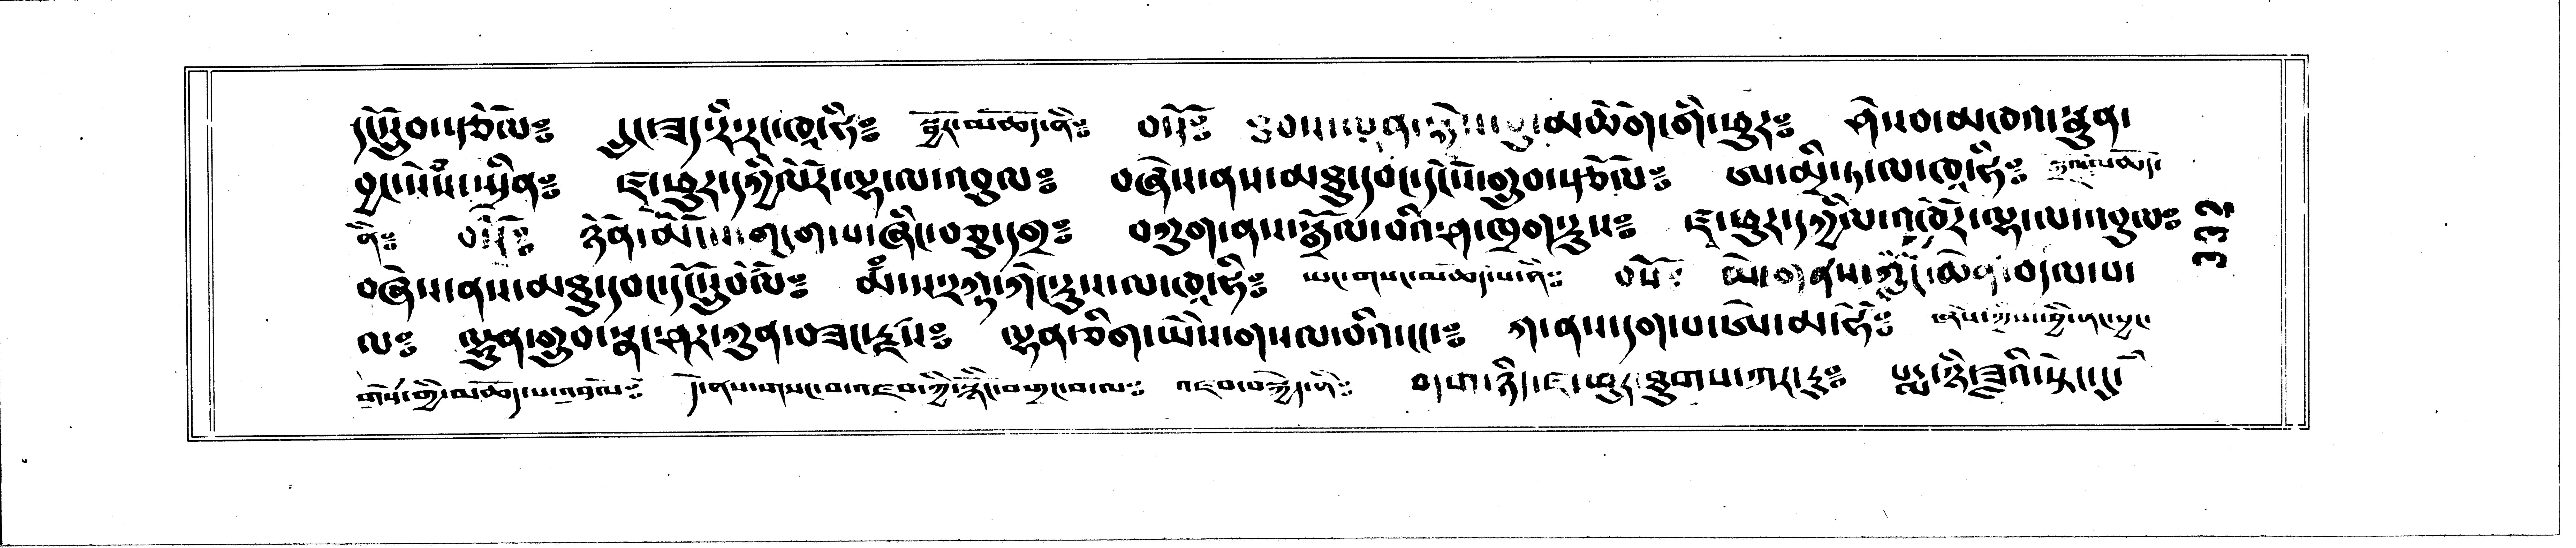དངོས་གྲུབ་སྩོལ༔ དྲུང་ཟད་རི་རང་ཁཱ་ཧི༔ སྦྱོར་མཆོད་ནི༔ བསྭོ༔ ཐབས་ལྡན་སྐྱེས་བུ་མཆོག་གི་ཕུར༔ ཤེས་རབ་མཁའ་སྣུན་
བྱང་སེམས་སྤྲིན༔ ཛྭ་ཕུར་དཀྱིལ་འཁོར་ལྷ་ལ་འབུལ༔ བཞེས་ནས་མཐུ་དབང་དངོས་གྲུབ་སྩོལ༔ ཨ་མྲི་ཏ་ལ་ཁཱ་ཧི༔ སྒྲོལ་མཆོད་
ནི༔ བསྭོ༔ ཉོན་མོངས་གདུག་པ་ཞིང་བཅུ་དགྲ༔ བཀུག་ནས་སྒྲོལ་བའི་ཤ་ཁྲག་རུས༔ ཛྭ་ཕུར་དཀྱིལ་འཁོར་ལྷ་ལ་འབུལ༔ 
བཞེས་ནས་མཐུ་དབང་དངོས་གྲུབ་སྩོལ༔ མྃ་ས་རཀྟ་ཀེང་རུས་ལ་ཁཱ་ཧི༔ ཡང་གསང་མཆོད་པ་ནི༔ བསྭོ༔ ཡེ་གནས་ཀློང་ཆེན་བདལ་པ་
ལ༔ ལྷུན་གྲུབ་སྣང་ཤར་ཀུན་བཟང་རྫས༔ ལྷན་ཅིག་ཡེ་ཤེས་གསལ་བའི་ངང་༔ ཀ་ནས་དག་པ་ཨེ་མ་ཧོ༔ ཞེས་ཀྱིས་ཕྱི་ནང་གསང་
གསུམ་གྱི་མཆོད་པ་འབུལ༔ དེ་ནས་གསང་བ་འཛབ་ཀྱི་སྙིང་པོ་བགྲང་བ་ལཿ འཛབ་བསྐྱེད་ནི༔ བདག་ཉིད་ཛྭ་ཕུར་ཐུགས་ཀ་རུ༔ པདྨ་ཉི་ཟླའི་སྟེང་དུ